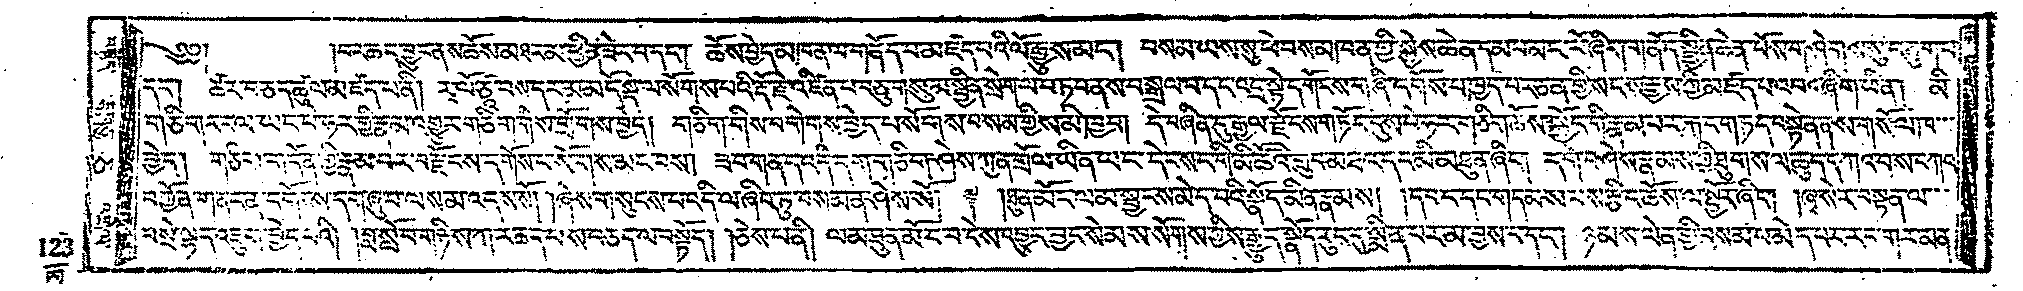༄༅། །བར་ཆད་བྱུང་ནས་ཆོས་མཐར་མ་ཕྱིན་ཟེར་བ་དང་། ཆོས་བྱེད་མཁན་ལ་གནོད་པ་མཛད་པའི་ལོ་རྒྱུས་མང་། བསམ་ཡས་སུ་ཕེབས་མཁན་གྱི་སྐྱེས་ཆེན་དམ་པ་མང་པོ་ཞིག་གནོད་སྦྱིན་ཆེན་པོས་གཤེགས་སུ་བཅུག་པ་
དང་། ཚར་བཅད་ཚུལ་མཛད་པ་ནི། རྭ་ལོ་ཙཱ་བས་དར་མ་མདོ་སྡེ་ལ་སོགས་པའི་རྡོ་རྗེ་འཛིན་པ་བཅུ་གསུམ་སྦྱིན་སྲེག་ལ་བཏབ་ནས་བསྒྲལ་བ་དང་འདྲ་སྟེ་དགོངས་གཞི་དགོས་པ་ཁྱད་པར་ཅན་གྱི་སངས་རྒྱས་ཀྱི་མཛད་པ་འབའ་ཞིག་ཡིན། མི་
གཅིག་རང་ལ་ཡང་པེ་ཧར་གྱི་རྣམ་འགྱུར་གཅིག་གིས་གྲོགས་བྱེད། གཅིག་གིས་བགེགས་བྱེད་པ་སོགས་བསམ་གྱིས་མི་ཁྱབ། དེ་བཞིན་དུ་རྒྱལ་རྫོངས་གཏོང་དུས་པེ་ཧར་གཅིག་ཆོས་སྐྱོང་གི་རྣམ་པར་རྐང་གཏད་བསྟེན་ནས་གསོལ་ཁ་
བྱེད། གཅིག་གདོན་གྱི་རྣམ་པར་བརྫོངས་དགོས་པ་སོགས་མང་བས། ཟབ་གནད་འདི་དག་གཅིག་ཤེས་ཀུན་གྲོལ་ཡིན་ཡང་དེང་སང་གི་མི་ཚོའི་གྲུབ་མཐའ་དང་མི་མཐུན་ཞིང་། དགེ་བཤེས་རྣམས་ཀྱི་ཐུགས་ལ་ཆུད་དཀའ་བས་བཀའ་
བཀྱོན་གནང་ན་དགོངས་དག་ཞུ་བ་ལས་མ་འདས་སོ། །ཞེས་གསུངས་པ་འདི་ལ་ཞིབ་ཏུ་བསམ་ན་ཤེས་སོ། ༈ །ཐུན་མོང་ལམ་སྦྱངས་མེད་པའི་སྣོད་མིན་རྣམས། །དབང་དང་གདམས་པས་རྩིང་ཆོས་ལ་སྦྱོར་ཞིང་། །ཞྭ་སེར་བསྟན་ལ་
བསྲེ་ལྷད་འཇུག་བྱེད་པའི། །བླ་སློབ་གཉིས་ཀར་ཆད་པས་བཅད་ལ་བསྟོད། །ཅེས་པ་ནི། ལམ་ཐུན་མོང་བ་ངེས་འབྱུང་བྱང་སེམས་སོགས་ཀྱིས་རྒྱུད་སྣོད་རུང་དུ་སྨིན་པར་མ་བྱས་པ་དང་། ཉམས་ལེན་གྱི་བསམ་པ་མེད་པར་རང་གར་མན་